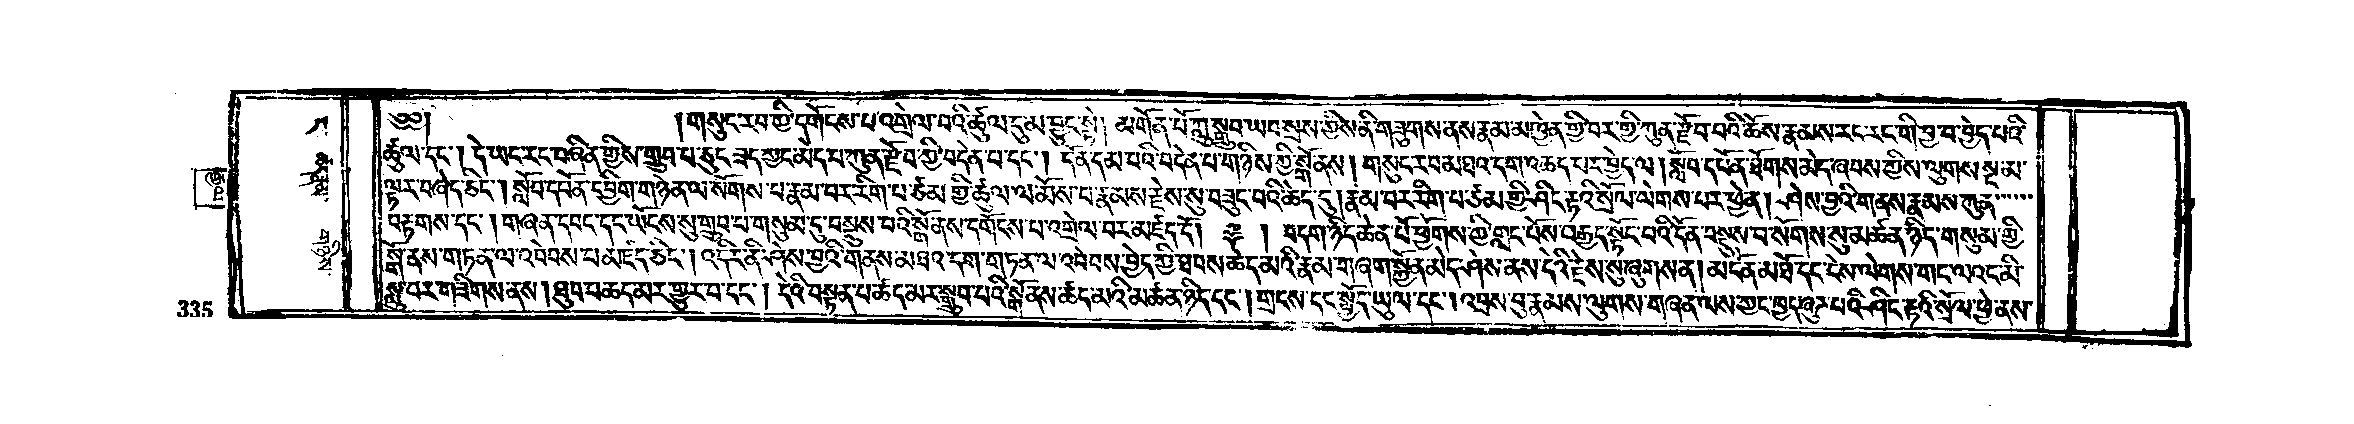༄༅། །གསུང་རབ་ཀྱི་དགོངས་པ་འགྲེལ་བའི་ཚུལ་དུ་མ་བྱུང་སྟེ། མགོན་པོ་ཀླུ་སྒྲུབ་ཡབ་སྲས་ཀྱིས་ནི་གཟུགས་ནས་རྣམ་མཁྱེན་གྱི་བར་གྱི་ཀུན་རྫོབ་པའི་ཆོས་རྣམས་རང་རང་གི་བྱ་བ་བྱེད་པའི་
ཚུལ་དང་། དེ་ཡང་རང་བཞིན་གྱིས་གྲུབ་པ་ཅུང་ཟད་ཀྱང་མེད་པ་ཀུན་རྫོབ་ཀྱི་བདེན་པ་དང་། དོན་དམ་པའི་བདེན་པ་གཉིས་ཀྱིས་ཀྱི་སྒོ་ནས། གསུང་རབ་མཐའ་དགའ་ཆད་པར་བྱེད་ལ། སློབ་དཔོན་ཐོགས་མེད་ཞབས་ཀྱིས་ལུགས་སྔ་མ་
ལྟར་བཞེད་ཅིང་། སློབ་དཔོན་དབྱིག་གཉིས་ལ་སོགས་པ་རྣམ་པར་རིག་པ་ཙམ་གྱི་ཚུལ་ལ་མོས་པ་རྣམས་རྗེས་སུ་བཟུང་བའི་ཆེད་དུ། རྣམ་པར་རིག་པ་ཙམ་གྱི་ཤིང་རྟའི་སྲོལ་ལེགས་པར་ཕྱེན། ཤེས་བྱའི་གནས་རྣམས་ཀུན་
བརྟགས་དང་། གཞན་དབང་དང་ཡོངས་སུ་གསུམ་དུ་བསྡུས་པའི་སྒོ་ནས་དགོངས་པ་འགྲེལ་བར་མཛད་དོ། ། ༑ ། བདག་ཉིད་ཆེན་པོ་ཕྱོགས་ཀྱི་གླང་པོས་བརྒྱད་སྟོང་པའི་དོན་བསྡུས་པ་སོགས་སུ་མཚན་ཉིད་གསུམ་གྱི་
སྒོ་ནས་གཏན་ལ་འབེབས་པ་མཛད་ཅིང་། འདིར་ནི་ཤེས་བྱའི་གནས་མཐའ་དག་གཏན་ལ་འབེབས་བྱེད་ཀྱི་ཐབས་ཚད་མའི་རྣམ་གཞག་སྐྱོན་མེད་ཤེས་ནས་དེའི་རྗེས་སུ་ཞུགས་ན། མངོན་མཐོ་དང་ངེས་ལེགས་གང་ལའང་མི་
སླུ་བར་གཟིགས་ནས། ཐོབ་པ་ཆད་མར་གྱུར་པ་དང་། དེའི་བསྟན་པ་ཚད་མར་སྒྲུབ་པའི་སྒོ་ནས་ཚད་མའི་མཚན་ཉིད་དང་། གྲངས་དང་སྤྱོད་ཡུལ་དང་། འབྲས་བུ་རྣམས་ལུགས་གཞན་ལས་ཀྱང་ཁྱད་ཞུགས་པའི་ཤིང་རྟའི་སྲོལ་ཕྱེ་ནས་